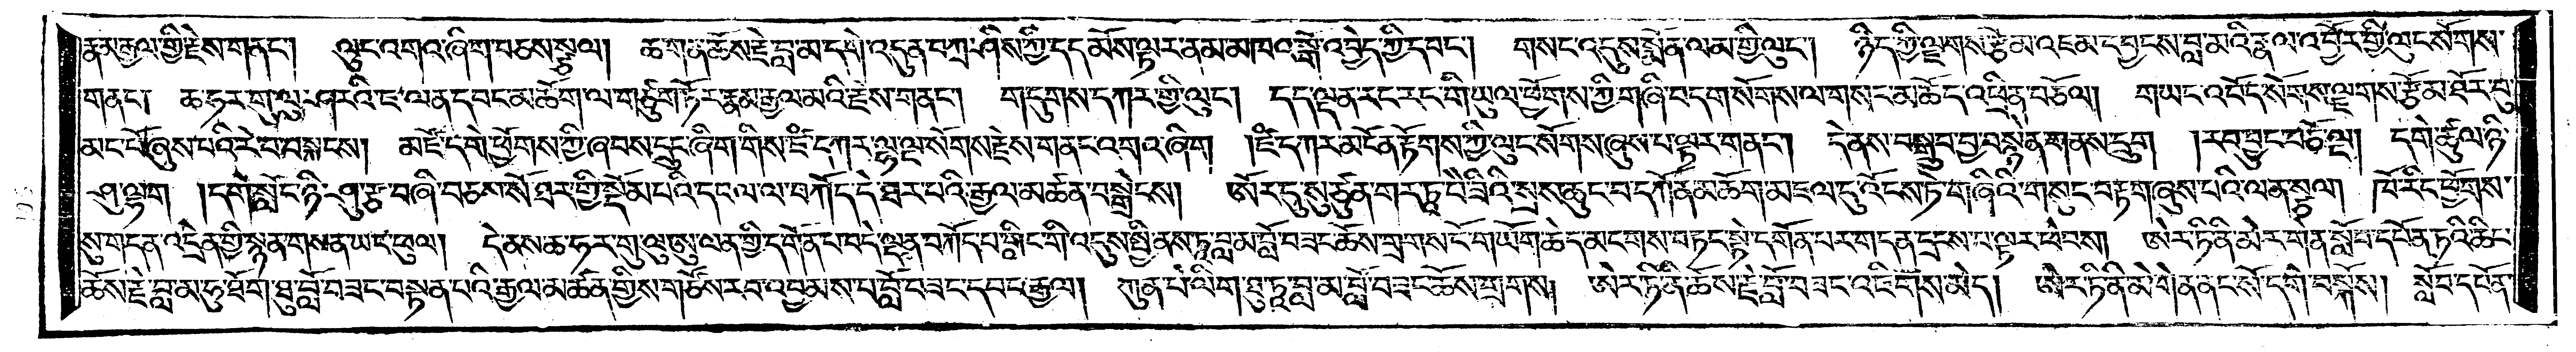རྣམ་རྒྱལ་གྱི་རྗེས་གནང་། ལུང་འགའ་ཞིག་བཅས་སྩལ། ཆ་གན་ཆོས་རྗེ་བླ་མ་དགེ་འདུན་བཀྲ་ཤིས་ཀྱི་དད་མོས་ལྟར་ནམ་མཁའ་སྒོ་འབྱེད་ཀྱི་དབང་། གསང་འདུས་སྨོན་ལམ་གྱི་ལུང་། ཉིད་ཀྱི་ལྗགས་རྩོམ་འཇམ་དབྱངས་བླ་མའི་རྣལ་འབྱོར་གྱི་ལུང་སོགས་
གནང༑ ཆ་ཧར་གུ་ལུ་ཤརའི་ཇ་ལན་དབང་མཆོག་ལ་གཙུག་གཏོར་རྣམ་རྒྱལ་མའི་རྗེས་གནང་། གདུགས་དཀར་གྱི་ལུང་། དད་ལྡན་རང་རང་གི་ཡུལ་ཕྱོགས་ཀྱི་གཞི་བདག་སོགས་ལ་གསང་མཆོད་འཕྲིན་བཅོལ། གཡང་འབོད་སོགས་ལྗགས་རྩོམ་ཐོར་བུ་
མང་པོ་ཞུས་པའི་རེ་བ་བསྐངས། མཛོ་དགེ་ཕྱོགས་ཀྱི་ཞབས་དྲུང་ཞིག་གིས་ཛཾ་དཀར་ལྷ་ལྔ་སོགས་རྗེས་གནང་འགའ་ཞིག །ཛཾ་དཀར་མངོན་རྟོགས་ཀྱི་ལུང་སོགས་ཞུས་པ་ལྟར་གནང་། དེ་ནས་བསྒྲུབ་བྱ་བསྙེན་གནས་དྲུག །རབ་བྱུང་བཅོ་ལྔ། དགེ་ཚུལ་ཉི་
ཤུ་ལྷག །དགེ་སློང་ཉི་ཤུ་རྩ་བཞི་བཅས་སོ་ཐར་གྱི་སྡོམ་པའི་དབལ་ལ་བཀོད་དེ་ཐར་བའི་རྒྱལ་མཚན་བསྒྲེངས། ཨོར་དུ་སུ་ཙུན་གར་ཏཱ་པཻ་ཟིའི་སྲས་ཆུང་བ་དཀོན་མཆོག་མཇལ་དུ་འོངས་ཏེ་གཞིའི་གསུང་བརྟག་ཞུས་པའི་ལན་སྩལ། ཁོ་རིང་ཕྱོགས་
སུ་གདན་འདྲེན་གྱི་སྙན་གསན་ཡང་ཕུལ། དེ་ནས་ཆ་ཧར་གུ་ལུ་ཨུ་ལན་གྱི་དགོན་པ་བདེ་ལྡན་བཀོད་པ་གླིང་གི་འདུས་སྤྱི་ནས་ཏཱ་བླ་མ་བློ་བཟང་ཆོས་གྲགས་ངོ་གཡོག་ཆེད་མངགས་བཏང་སྟེ་དགོན་པར་གདན་དྲངས་བ་ལྟར་ཕེབས། ཨེར་ཏི་ནི་མེར་གན་སློབ་དཔོན་ཏའི་ཆིང་
ཆོས་རྗེ་བླ་མ་ཧུ་ཐོག་ཐུ་བློ་བཟང་བསྟན་པའི་རྒྱལ་མཚན་གྱིས་གཙོས་རབ་འབྱམས་པ་བློ་བཟང་དབང་རྒྱལ། ཀུན་པེ་ལིག་ཐུ་ཏཱ་བླ་མ་བློ་བཟང་ཆོས་གྲགས། ཨེར་ཏི་ནི་ཆོས་རྗེ་བློ་བཟང་འཇིགས་མེད། ཨེར་ཏི་ནི་མེ་གེན་ནང་སོ་དགེ་བསྐོས། སློབ་དབོན་